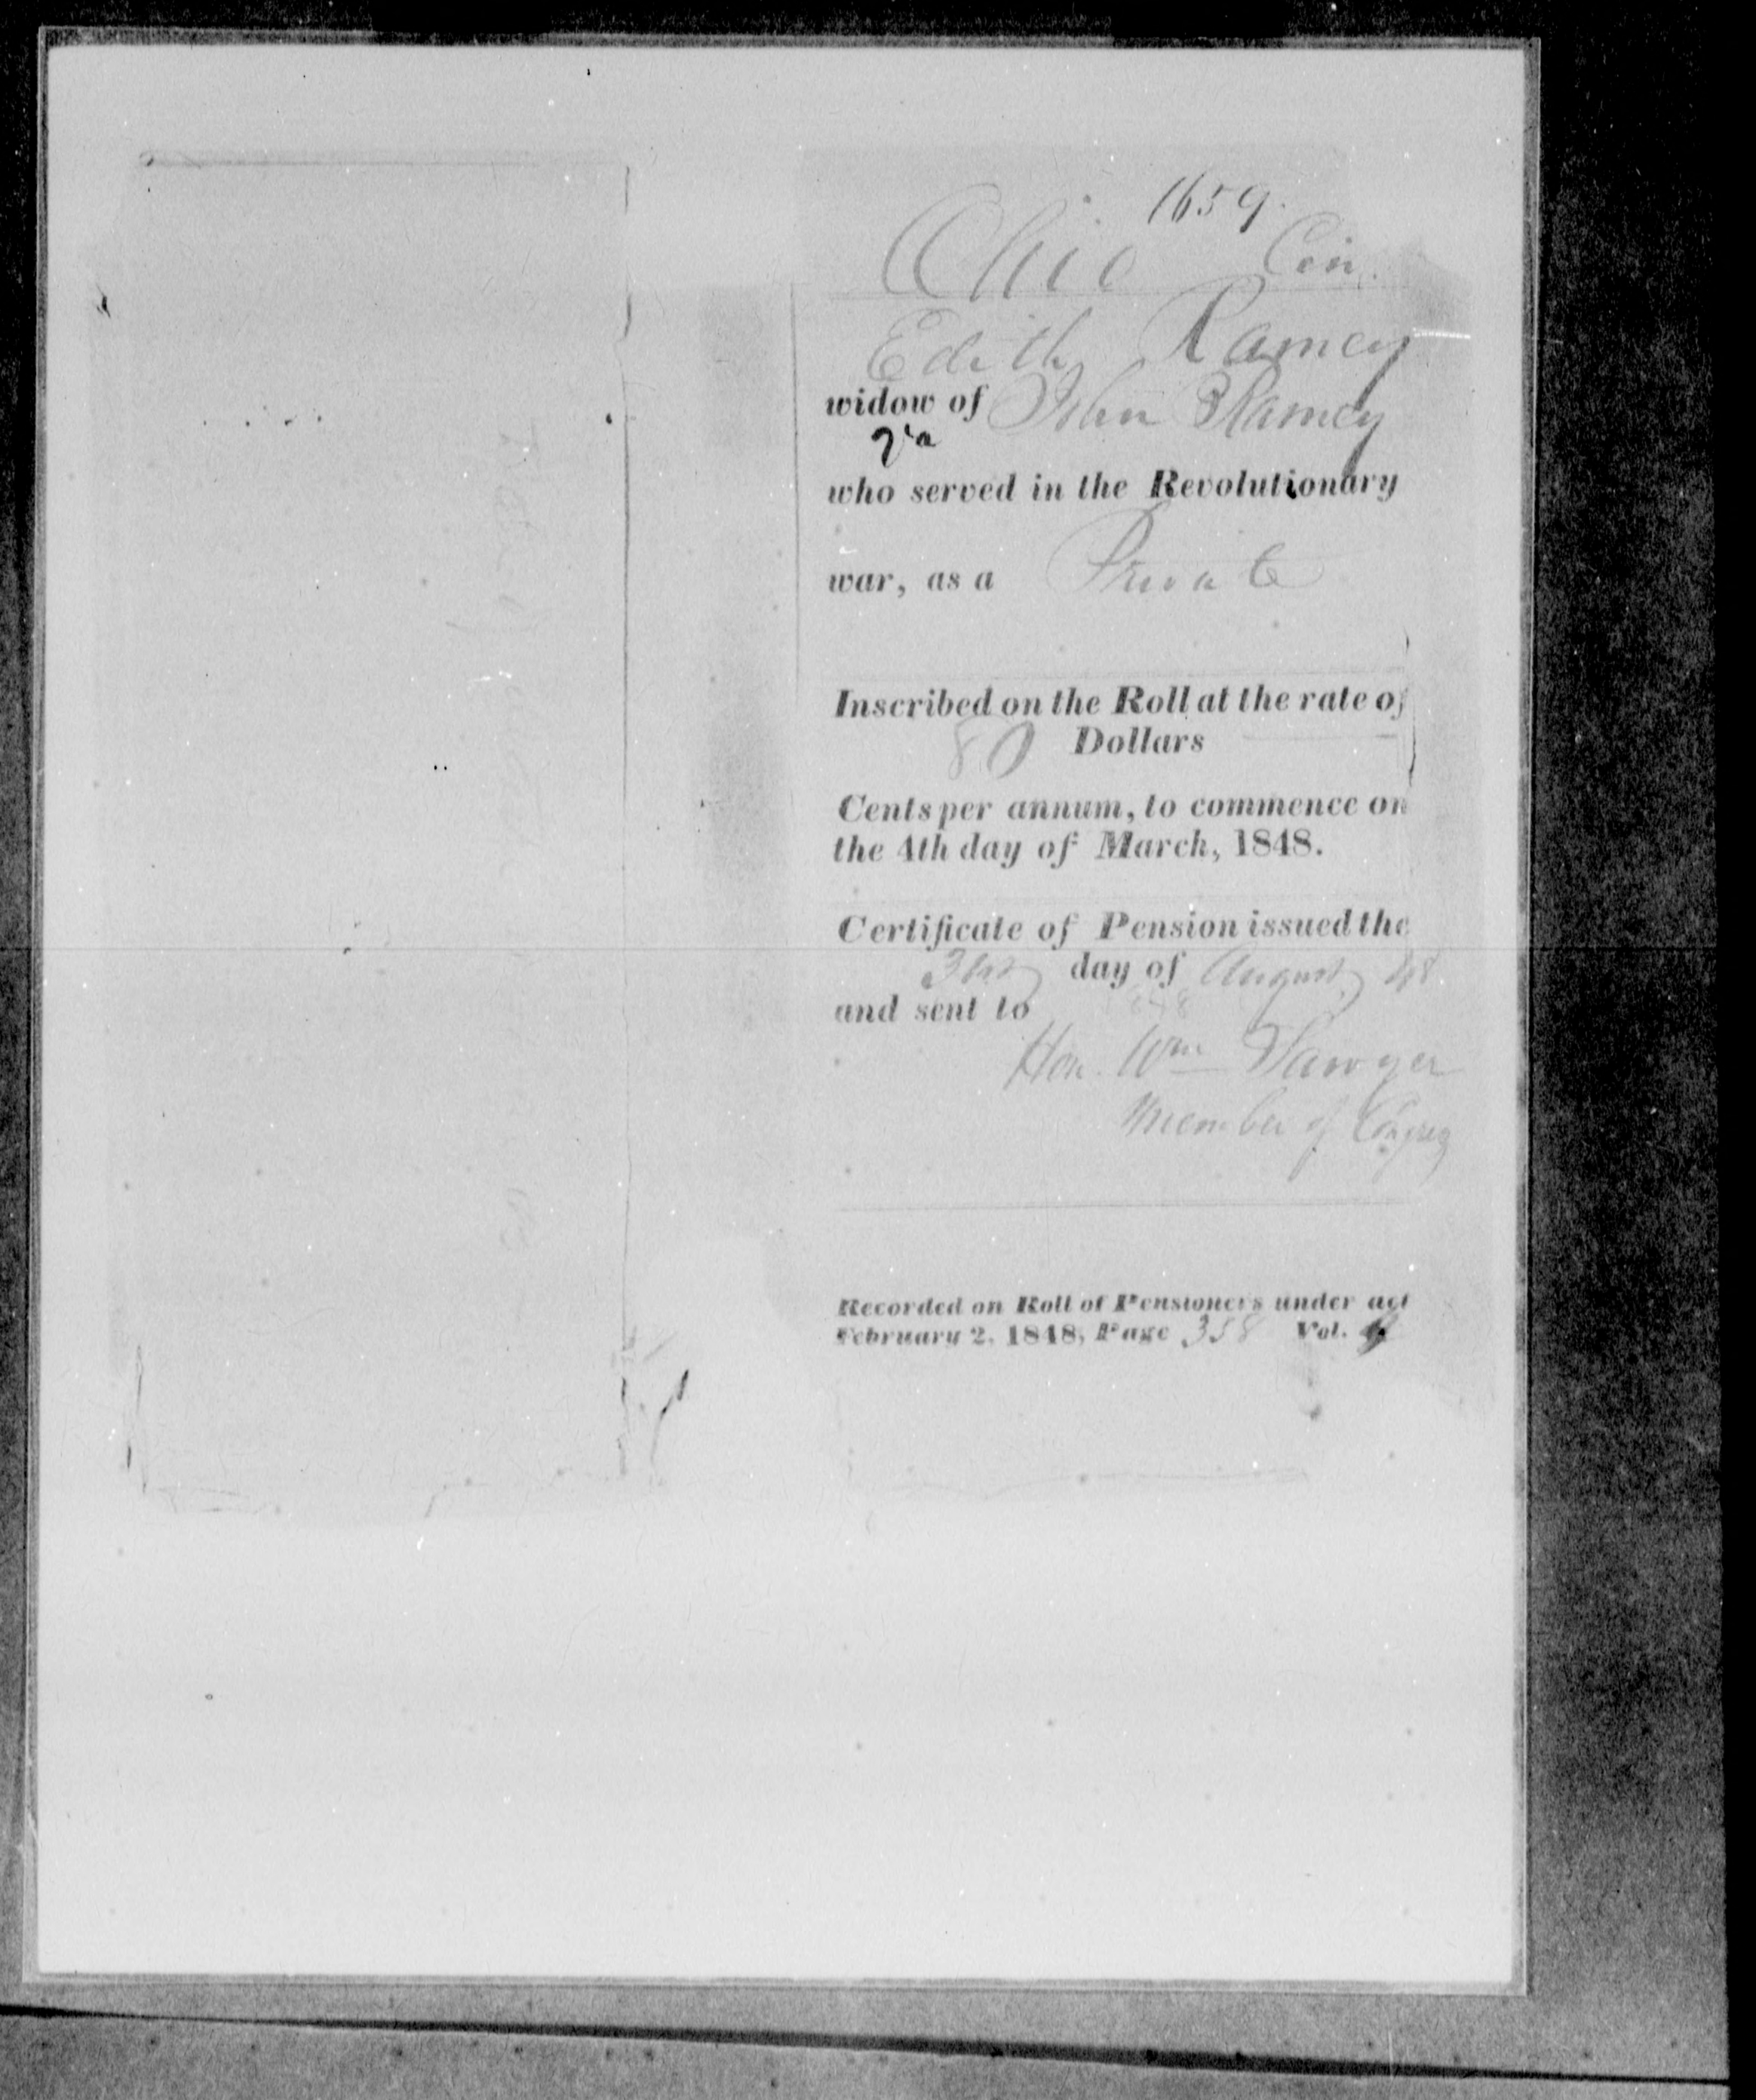1659.
Ohio Cin.
Edith Ramey
widow of John Ramey
Va
who served in the Revolutionary war, as a Private
Inscribed on the Roll at the rate of 80 Dollars - Cents per annum, to commence on the 4th day of March, 1848.
Certificate of Pension issued the 31st day of August, 48
and sent to 
Hon. Wm Sawyer
Member of Congress
Recorded on Roll of Pensioners under act February 2, 1848, Page 358, Vol. 2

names: Wm Sawyer; John Ramey; Edith Ramey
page: 9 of 84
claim: widow's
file: W.11104, for John Remay, Virginia